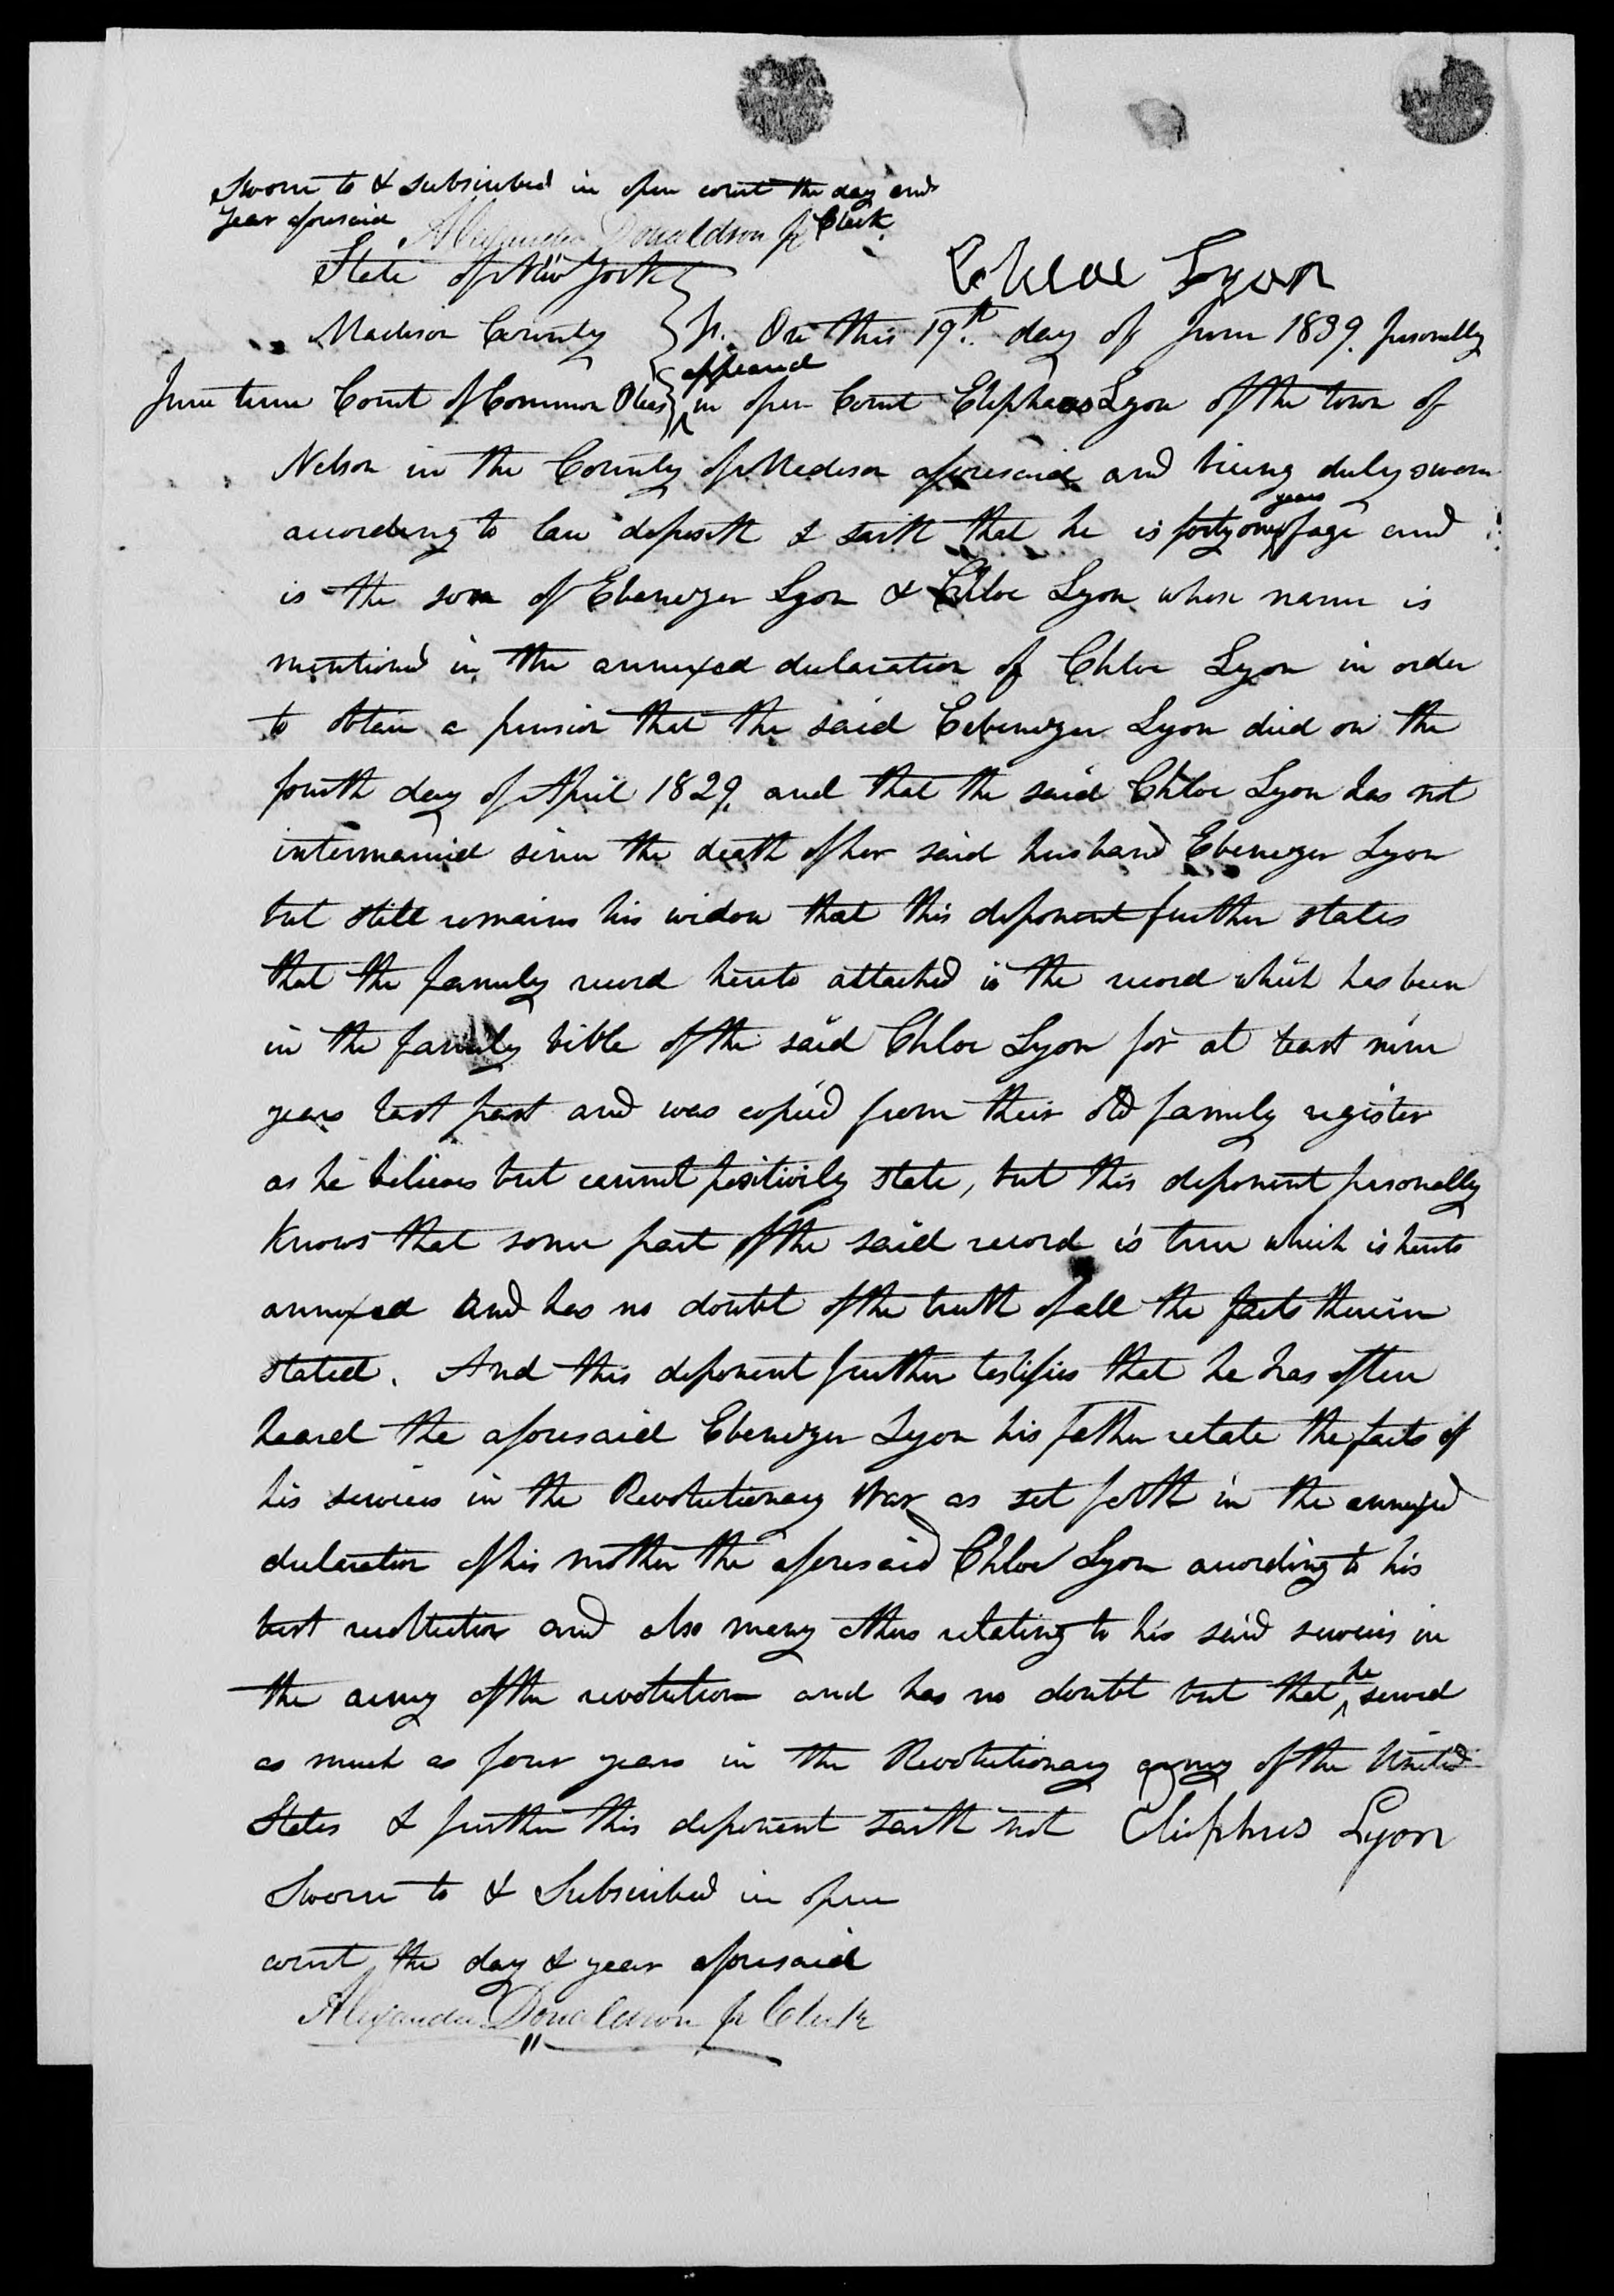Chloe Lyon [Signature]

Sworn to & subscribed in open court the day and year aforesaid Alexander Donaldson Jr Clerk

State of New York
Madison County
June term Court of Common Pleas ss. 
On this 19th day of June 1839 personally appeared in open Court Eliphas Lyon of the town of Nelson in the County of Madison aforesaid and being duly sworn according to law deposeth & saith that he is forty one years of age and is the son of Ebenezer Lyon & Chloe Lyon whose name is mentioned in the annexed declaration of Chloe Lyon in order to obtain a pension that the said Ebenezer Lyon died on the fourth day of April 1829, and that the said Chloe Lyon has not intermarried since the death of her said husband Ebenezer Lyon but still remains his widow that this deponent further states that the family record hereto attached is the record which has been in the family bible of the said Chloe Lyon for at least nine years last past and was copied from their old family register as he believes but cannot positivily state, but this deponent personally knows that some part of the said record is true which is hereto annexed and has no doubt of the truth of all the parts therein stated. And this deponent further testifies that he has often heard the aforesaid Ebenezer Lyon his father relate the facts of his services in the Revolutionary War as set forth in the annexed declaration of his mother the aforesaid Chloe Lyon according to his best recollection and also many others relating to his said services in the army of the revolution and has no doubt but that he served as much as four years in the Revolutionary army of the United States & further this deponent saith not
Eliphus Lyon [Signature]

Sworn to & Subscribed in open court the day & year aforesaid
Alexander Donaldson Jr Clerk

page: 7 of 40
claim: widow's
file: W. 24,615, for Ebenezer Lyon, Connecticut